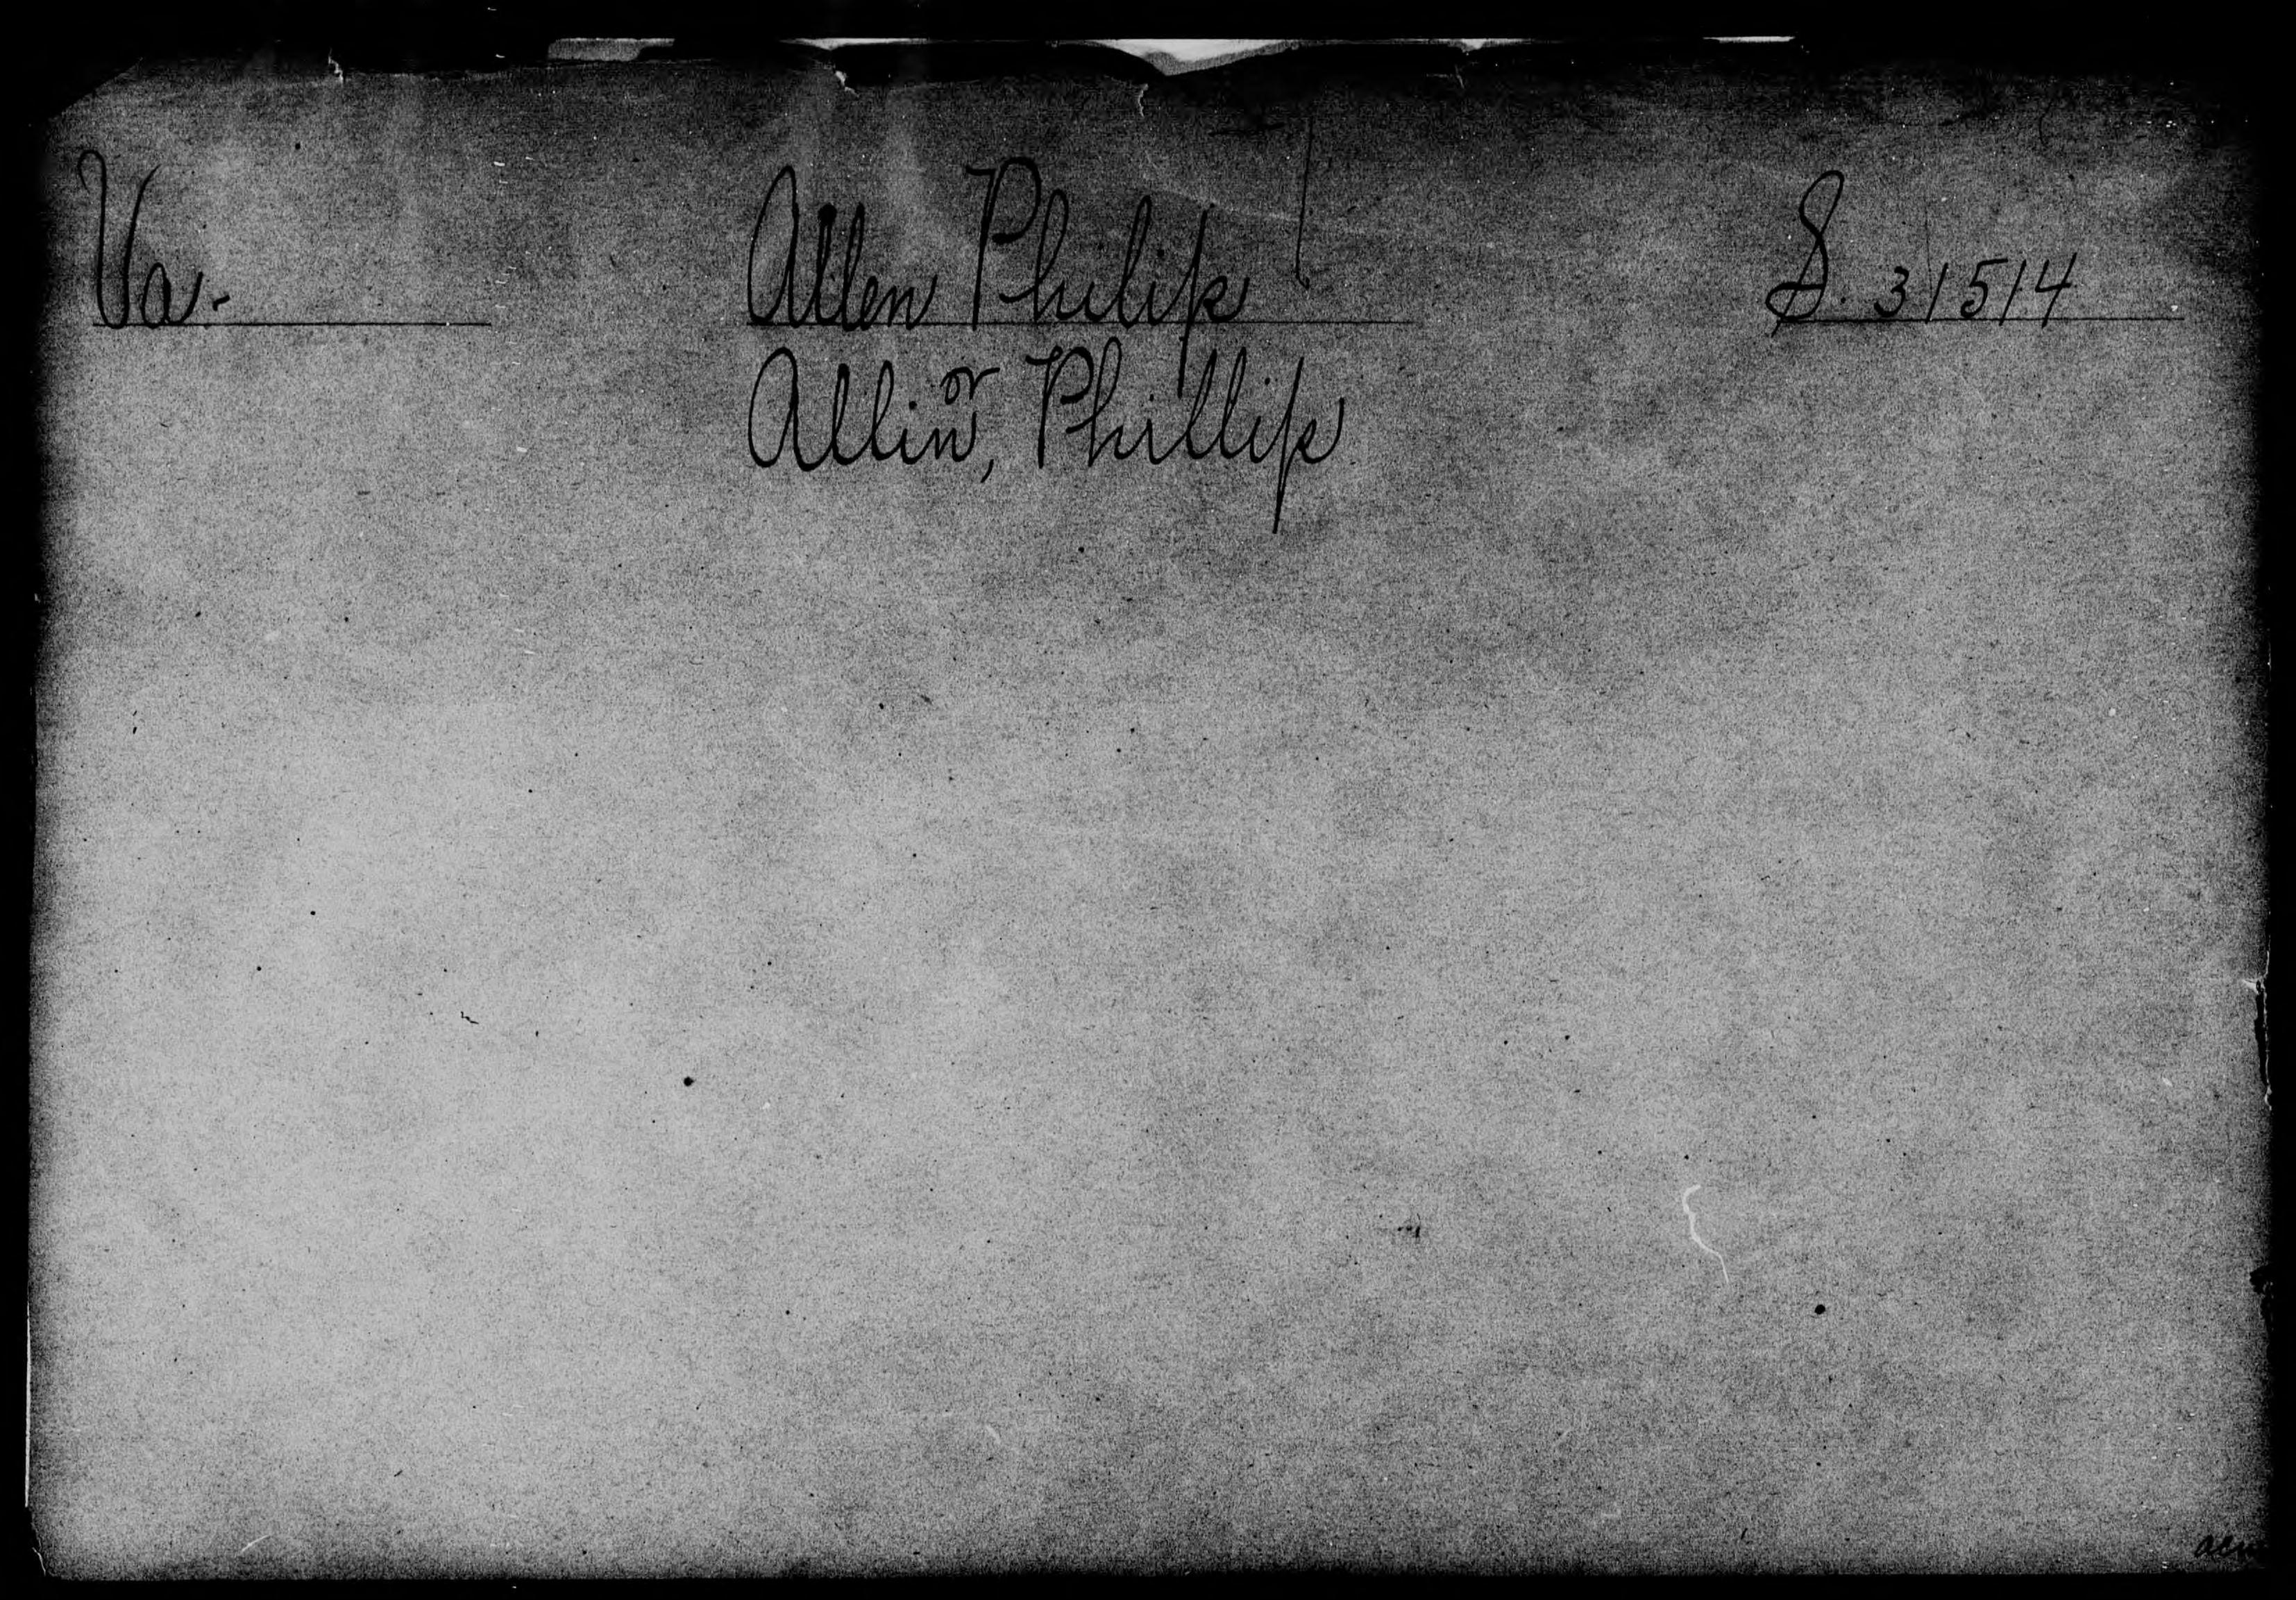Va.		Allen Philip		S 31514
		or
		Allin, Phillip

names: Phillip Allin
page: 1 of 1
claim: survivor's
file: S. 31514, Philip Allen, Va.